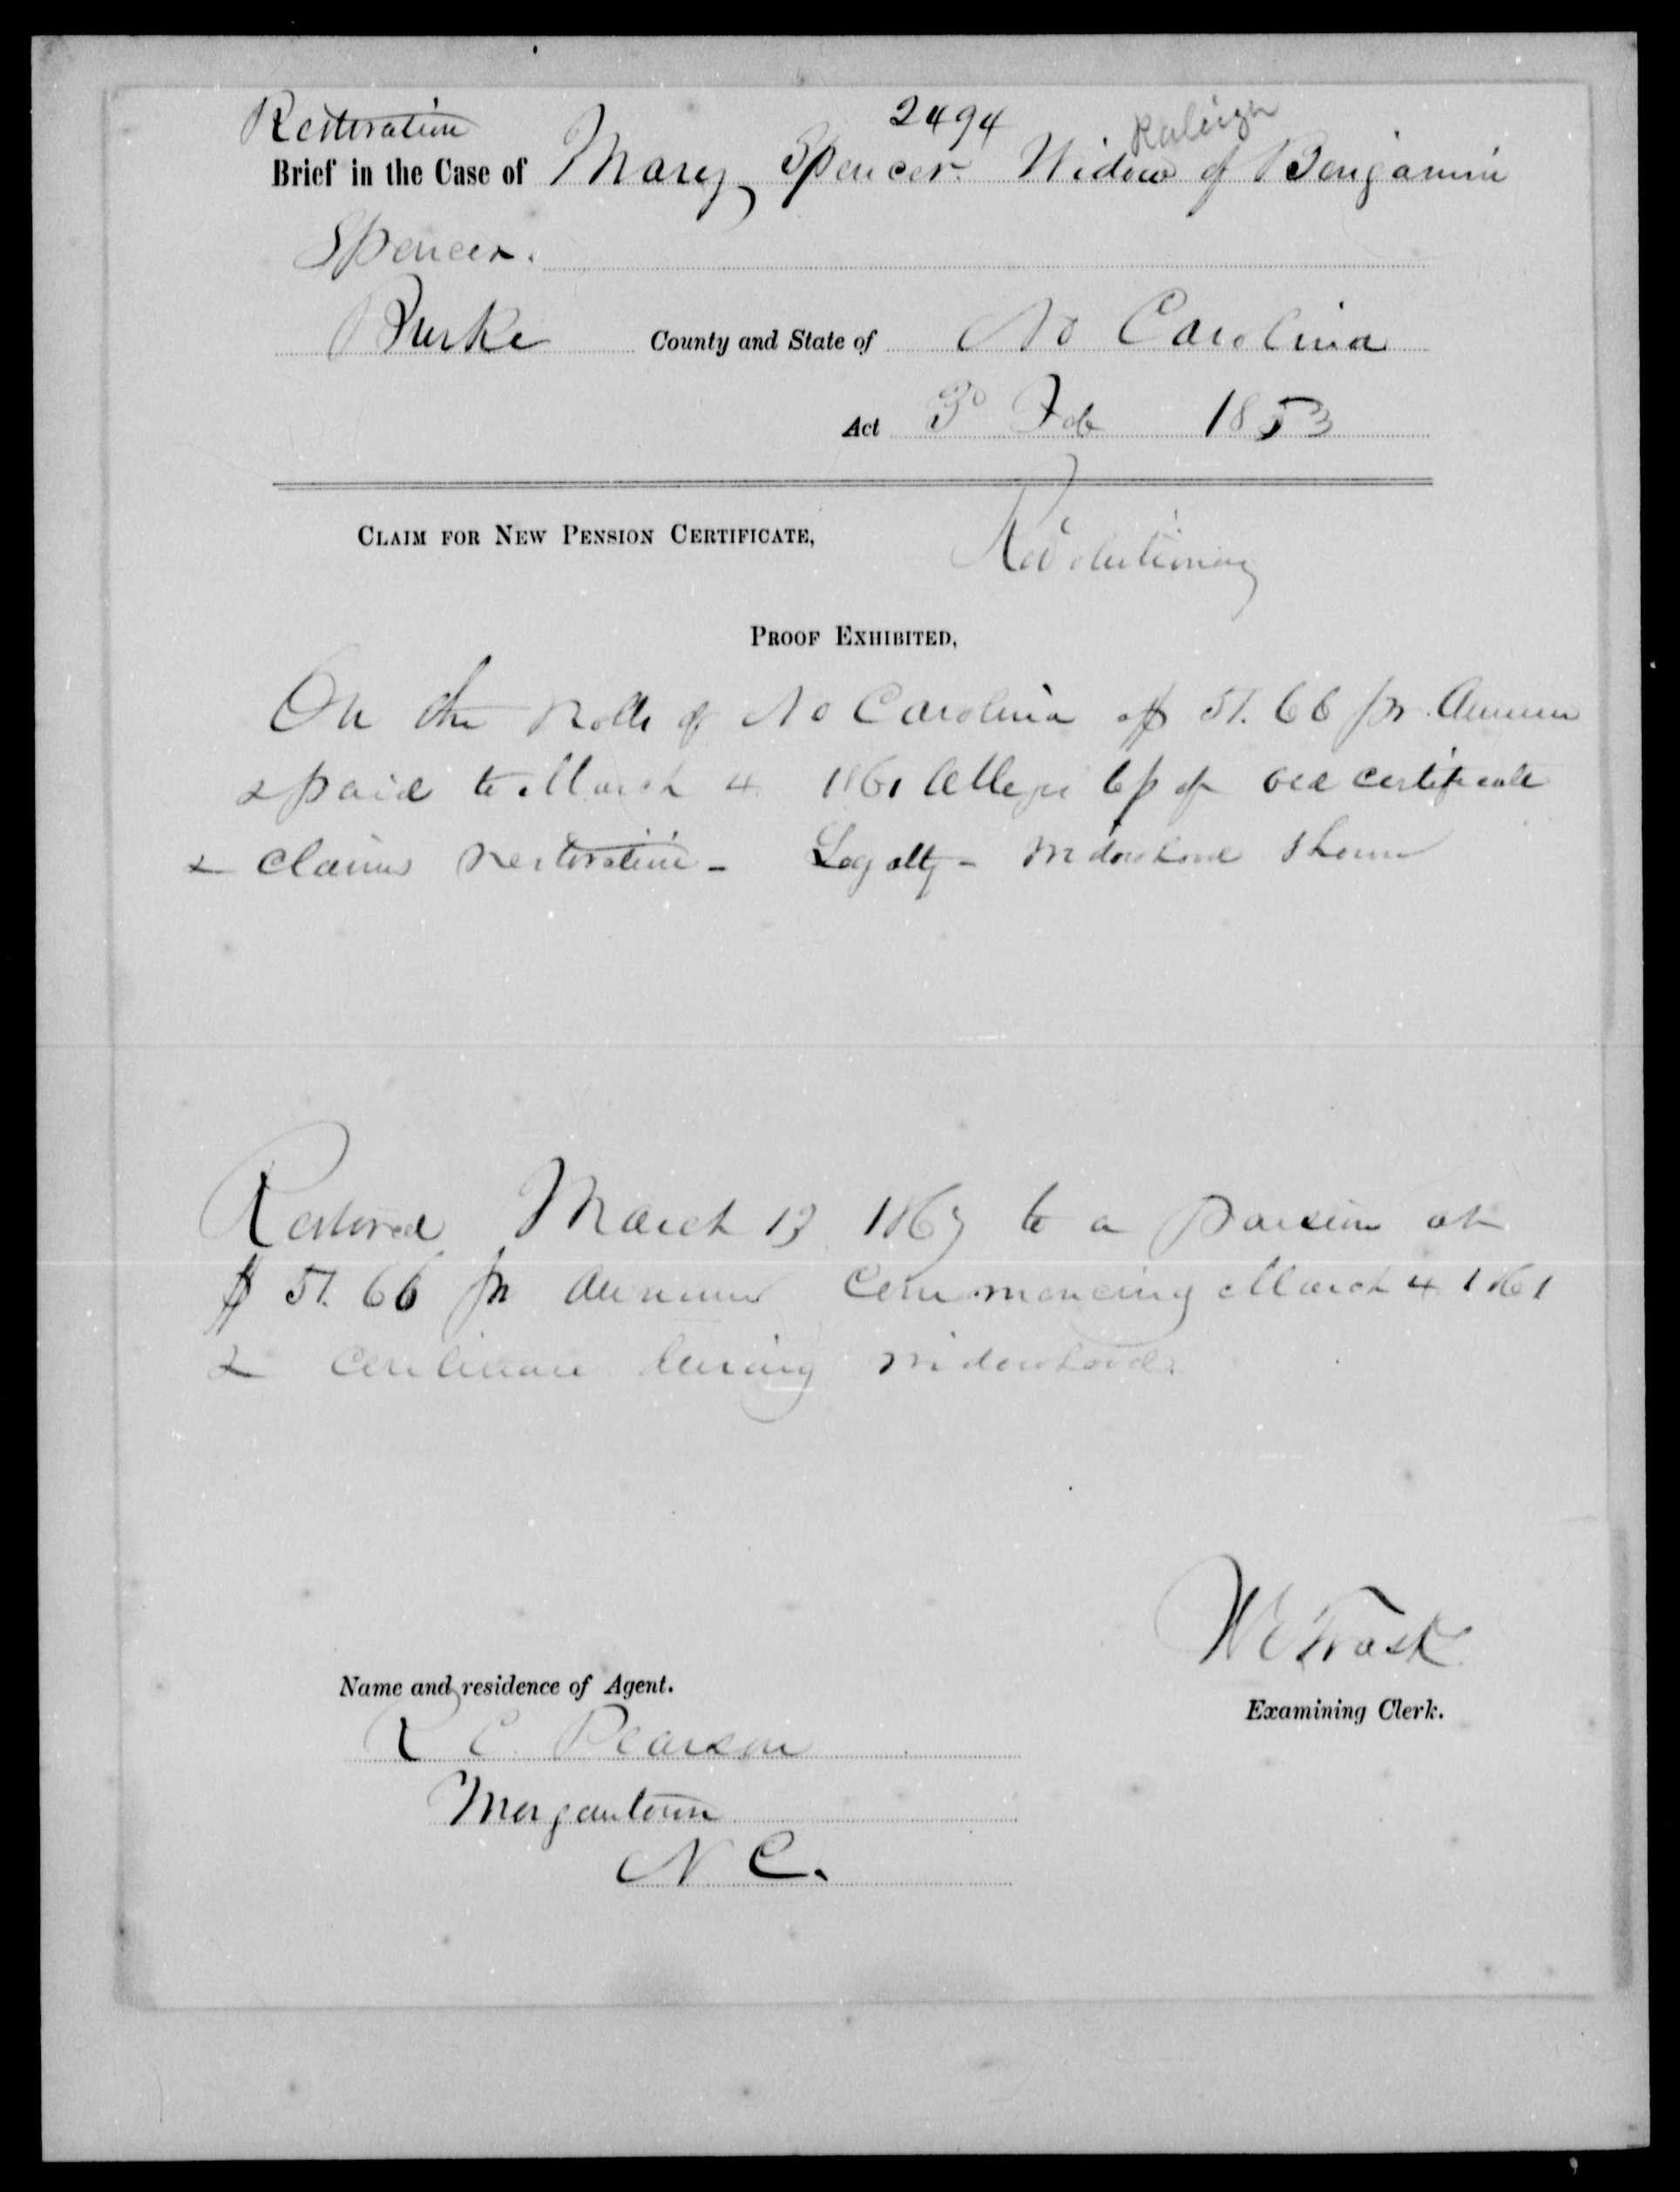Restoration 2494
Brief in the case of Mary Spencer Benjamin
Spencer
Burke County and State of No Carolina
Act 3 Feb 1853
CLAIM FOR NEW PENSION CERTIFICATE,

Revolutionary
PROOF EXHIBITED,
On the Roll of No Carolina of 51.66 per Annum
paid to March 4 1861 Alleges loss of old certificate
& claims restoration Legally - widowhood shown
Restored March 13 1869 to a pension at
$51.66 per annum
Commencing March 4 1861
continue during widowhood.
Name
and residence of Agent
R. C. Pearson
Morgantown
N C.
---
W. E. Trask
Examining Clerk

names: R C Pearson; Mary Spencer; Benjamin Spencer; W E Trask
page: 41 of 63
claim: widow's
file: W. 6158, for Benjamin Spencer, North Carolina